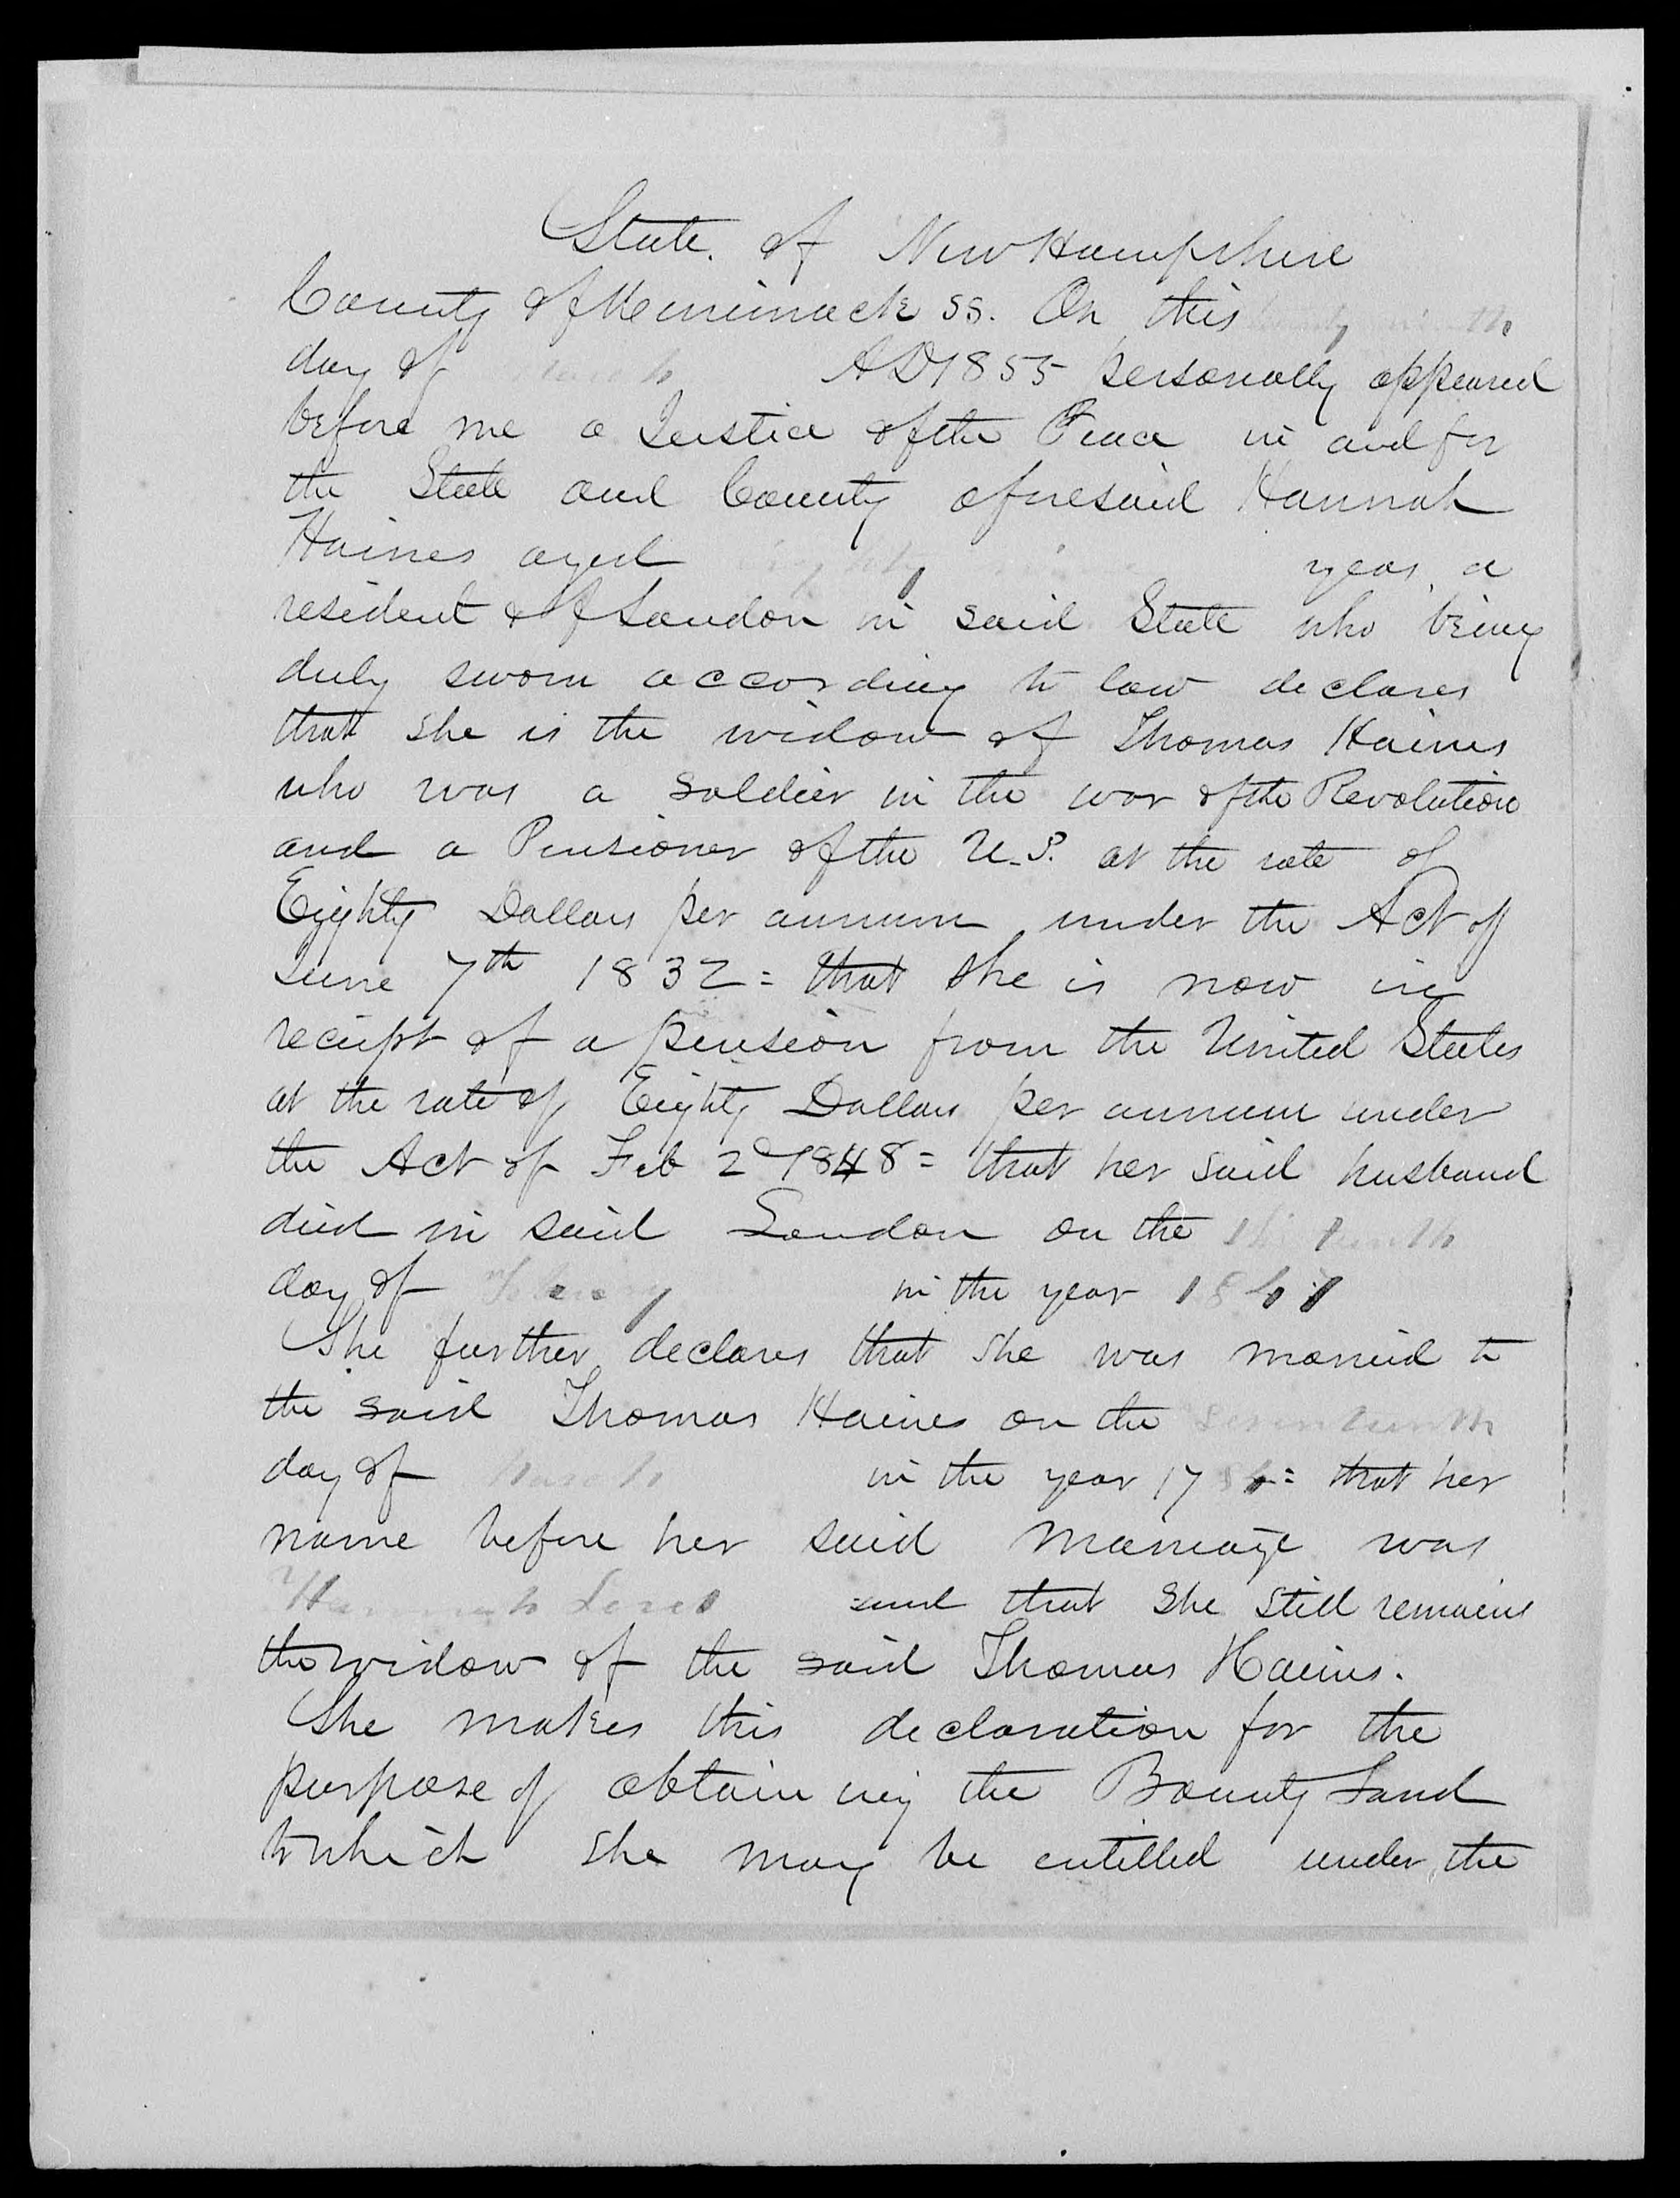State of New Hampshire 
County of Merrimack SS. On this twenty ninth day of March AD 1855 personally appeared before me a Justice of the Peace in and for the State and County aforesaid Hannah Haines aged eighty nine years, a resident of Loudon in said State who being duly sworn according to law declares that she is the widow of Thomas Haines who was a soldier in the war of the Revolution and a Pensioner of the U.S. at the rate of Eighty Dollars per annum under the Act of June 7th 1832; that she is now in receipt of a pension from the United States at the rate of Eighty Dollars per annum under the Act of Feb 2 1848; that her said husband died in said Loudon the the thirteenth day of February in the year 1841. She further declares that she was married to the said Thomas Haines on the seventeenth day of March in the year 1784: that her name before her said marriage was Hannah Lord and that she still remains the widow of the said Thomas Haines. She makes this declaration for the purpose of obtaining the Bounty Land to which she may be entilled [sp] under the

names: Hannah Lord, Hannah Haines, Thomas Haines, Thomas Haines, Thomas Haines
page: 11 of 57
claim: widow's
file: W. 23217, Thomas Haines, N H